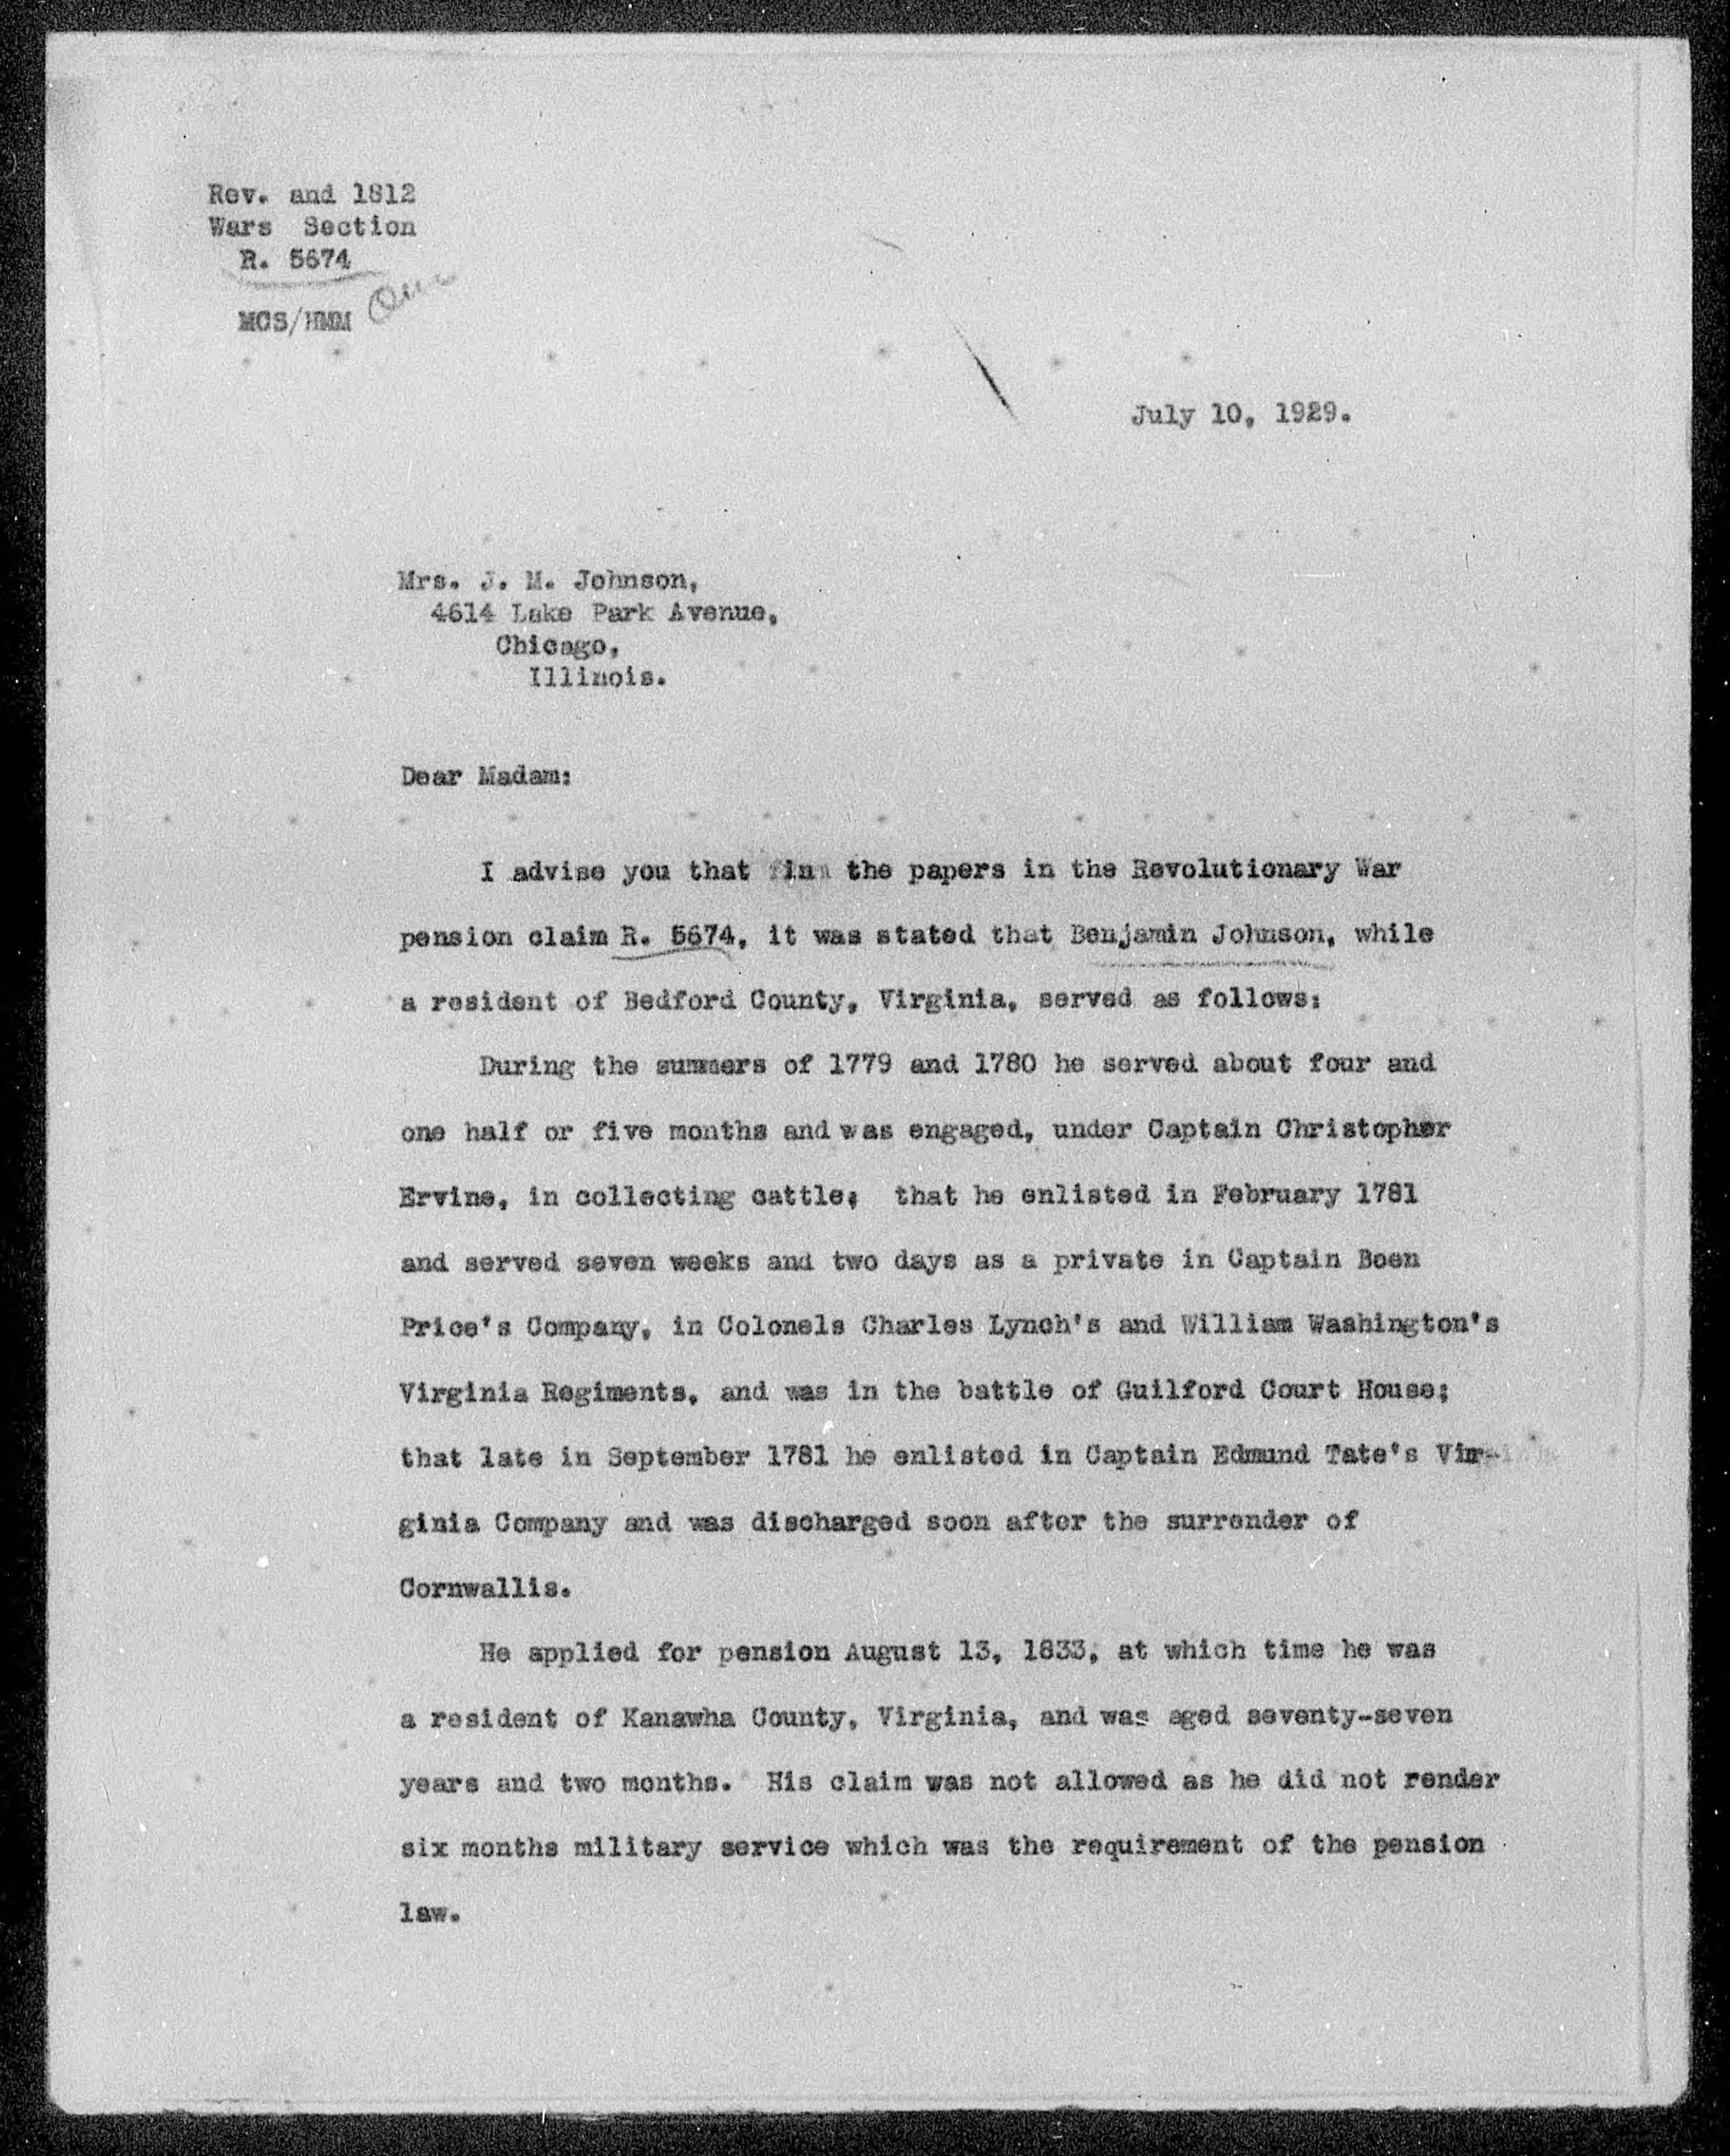Rev. and 1812 
Wars Section 
R. 5674 
MCS/HMM 

July 10, 1929. 

Mrs. J.M. Johnson 
4614 Lake Park Avenue, Chicago Illinois. 

Dear Madam: 

I advise you that in the papers in the Revolutionary War pension claim R. 5674. it was stated that Benjamin Johnson, while a resident of Bedford County, Virginia, served as follows: 

During the summers of 1779 and 1780 he served about four and one half or five months and was engaged, under Captain Christopher Ervine, in collecting cattle: that he enlisted in February 1781 and served seven weeks and two days as private in Captain Boen Price's Company, in Colonels Charles Lynch's and William Washington's Virginia Regiments, and was in the battle of Guilford Court House: that late in September 1781 he enlisted in Captain Edmund Tate's Virginia Company and was discharged soon after the surrender of Cornwallis. 

He applied for pension August 13, 1833, at which time he was a resident of Kanawha County, Virginia, and was aged seventy-seven years and two months. His claim was not allowed as he did not render six months military service which was the requirement of the pension law.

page: 6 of 17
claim: rejected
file: R. 5674, for Benjamin Johnson, Virginia